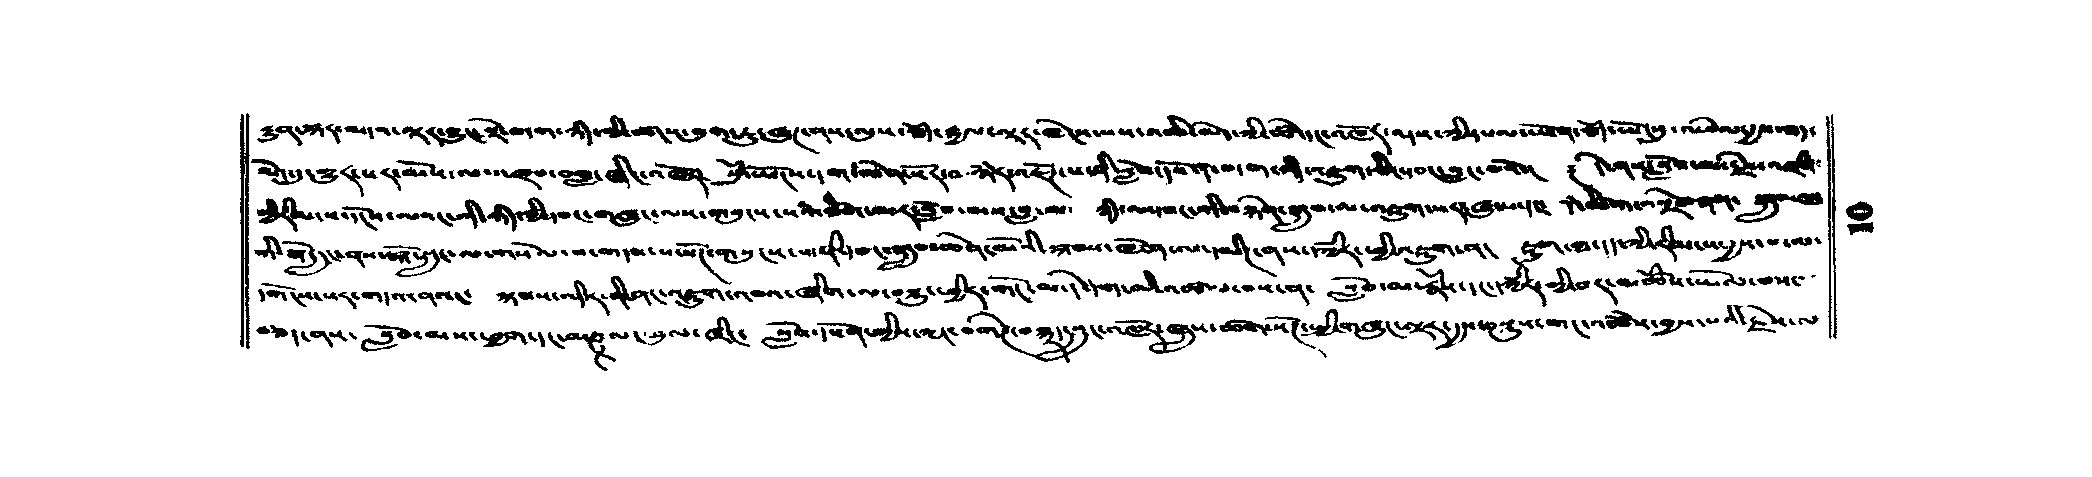རྒྱུན་སྐད་མདའ་ལྟར་བྱུང་སྟེ་བདག་ཉིད་ཀྱི་ཚངས་བུམ་ཏུ་ཞུགས་ནས་ལུས་ཐམས་ཅད་རྒྱལ་ལྟར་ཁེངས་ལས་འཆི་མེད་ཀྱི་ཚེ་དང་འཁོར་འདས་ཀྱི་དཔལ་ཡོན་ཐམས་ཅད་ཡོངས་སུ་འཕེལ་རྒྱས་ཟད་
མེད་དུ་གྱུར་པར་མོས་ལ་འཛབ་བཟླ་ཞིང་འཁོར་སུམ་ཡོངས་དག་ཆེན་པོར་བསྟན་མར་འཇོགས་པ་ནི་སློབ་དཔོན་བདག་ཉིད་འཇུག་ཅིང་དབང་བླང་ཆེན། ༈ དེ་ནས་སློབ་མ་རྗེས་འཛིན་
གྱི་རིམ་པ་དངོས་ལའང་འདི་ཉིད་དབང་གཞུང་ལས་གསུངས་པའི་ཐོག་མར་སློབ་མས་བླ་མ་ཉིད་ལ་དབང་གིས་སྙེན་གྲུབ་ཆ་འཇུག་པར་ཞུ་པ་དང་། དམ་ཚིག་བསྲེལ་་་་སྒྲུབ་ཁ་
གི་སྒོ་དྲུང་ནས་སྒོ་དྲུང་ལ་གསོལ་བ་གདབ་པ་སོགས་གསུངས་གཞི་དབང་སྒྲུབ་ཆེན་མོའི་སྐབས་ཁོ་ན་ལ་དམིགས་ནས་དཀྱིལ་འཁོར་ཕྱི་འཇུག་ན། ཇུག་ཐ་དད་ཀྱི་རིམ་པ་རྒྱས་པ་ལ་
དགོངས་པར་གདའ་ནའང་། སྐབས་འདིར་ནི་ནང་འཇུག་འབའ་ཞིག་ལ་བསྐུ་ཕྱིར་གོང་མ་དེ་དག་མི་འཚལ་བས་ན། སློབ་མ་རྣམས་དང་དཀྱིལ་འཁོར་གྱི་བར་མཚམས་ཡོལ་བས་
བཅད་ནས། སློབ་མས་ཕྱག་དང་མཎྜལ་ཡུལ་ཞིང་། སློབ་དཔོན་གྱིས་ཀྱང་བགེགས་བསྐྲད་སྲུང་འཁོར་ཁྲུས་ཚག་སོགས་སྤྱི་གཞུང་ལྟར་རྒྱས་བསྡུས་གང་འཚམས་བྱས་པའི་རྗེས་ལ་